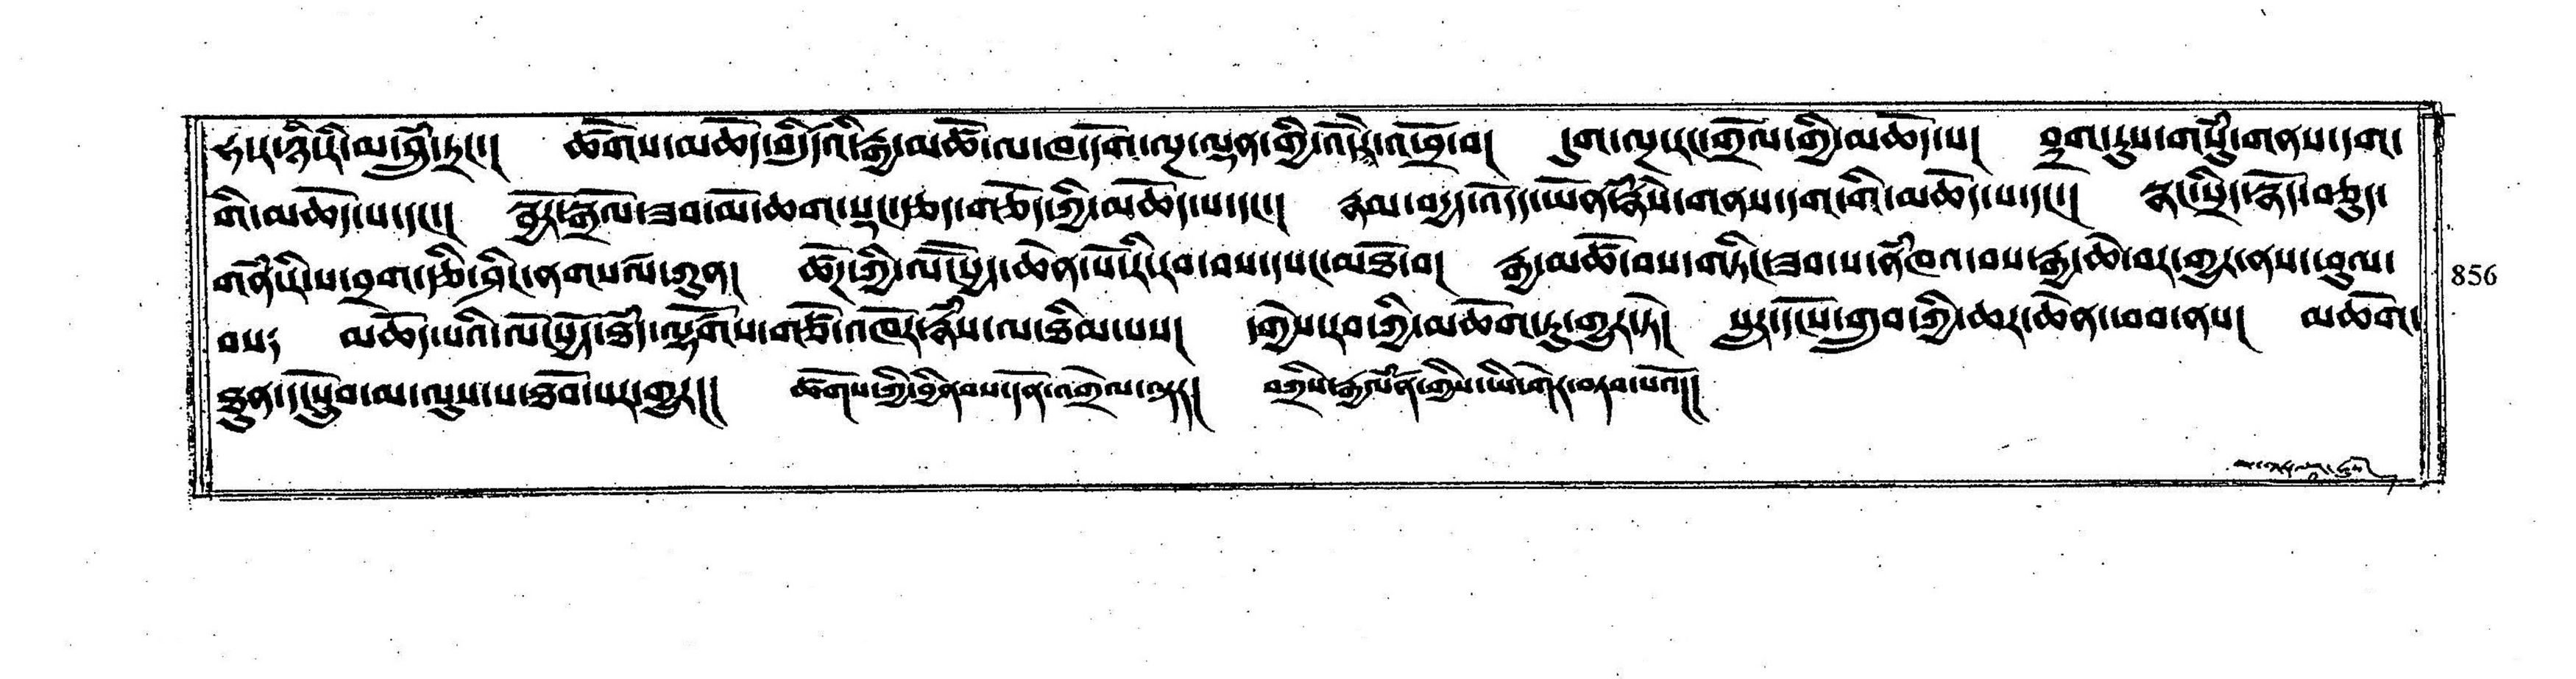ཧ་ར་ཉི་རི་མ་བྲུཾ་ཏྲང་། ཚོགས་མཆོད་བདུད་རྩིའི་རྒྱ་མཚོ་ལ་ཁ་དོག་ལྔ་ལྡན་གྱི་འོད་ཟེར་འཕྲོ་བ། དུག་ལྔ་རང་གྲོལ་གྱི་མཆོད་པ། ཤ་ཁྲག་རུས་གསུམ་གནས་དག་
གི་མཆོད་པ་དང་། སྦྱོར་སྒྲོལ་ཟབ་མོ་ཆགས་སྡང་རྩད་གཅོད་ཀྱི་མཆོད་པ་དང་། རྣམ་བརྒྱད་འདོད་ཡོན་རྣམ་ཤེས་གནས་དག་གི་མཆོད་པ་དང་། སྣང་སྲིད་སྣོད་བཅུད་
གནམ་རི་ས་བྲག་རྩི་ཤིང་ནགས་ཚལ་ཀུན། ཚོགས་ཀྱི་ལོངས་སྤྱོད་ཆེན་པོ་རི་རབ་བས་དཔང་མཐོ་བ། རྒྱ་མཚོ་བས་གཏིང་ཟབ་པ་ནམ་མཁའ་བས་རྒྱ་ཆེ་བར་གྱུར་ནས་ཕུལ་
བས། མཆོད་པའི་ལོངས་སྤྱོད་ཐམས་ཅད་ལྷ་ཚོགས་གཙོ་འཁོར་རྣམས་ལ་ཐིམ་པས། དགྱེས་རབ་ཀྱི་མཆོག་ཏུ་གྱུར་ཏེ། སླར་དངོས་གྲུབ་ཀྱི་ཆར་ཆེན་ཕབ་ནས། མཆོག་
ཐུན་དངོས་གྲུབ་མ་ལུས་པ་ཐོབ་པར་གྱུར།། ཚོགས་ཀྱི་བྱིན་རླབས་དོན་འགྲེལ་ལྟར། བཀྲ་ཤིས་རྒྱལ་མཚན་གྱིས་ཡི་གེར་བཏབ་པའོ།།